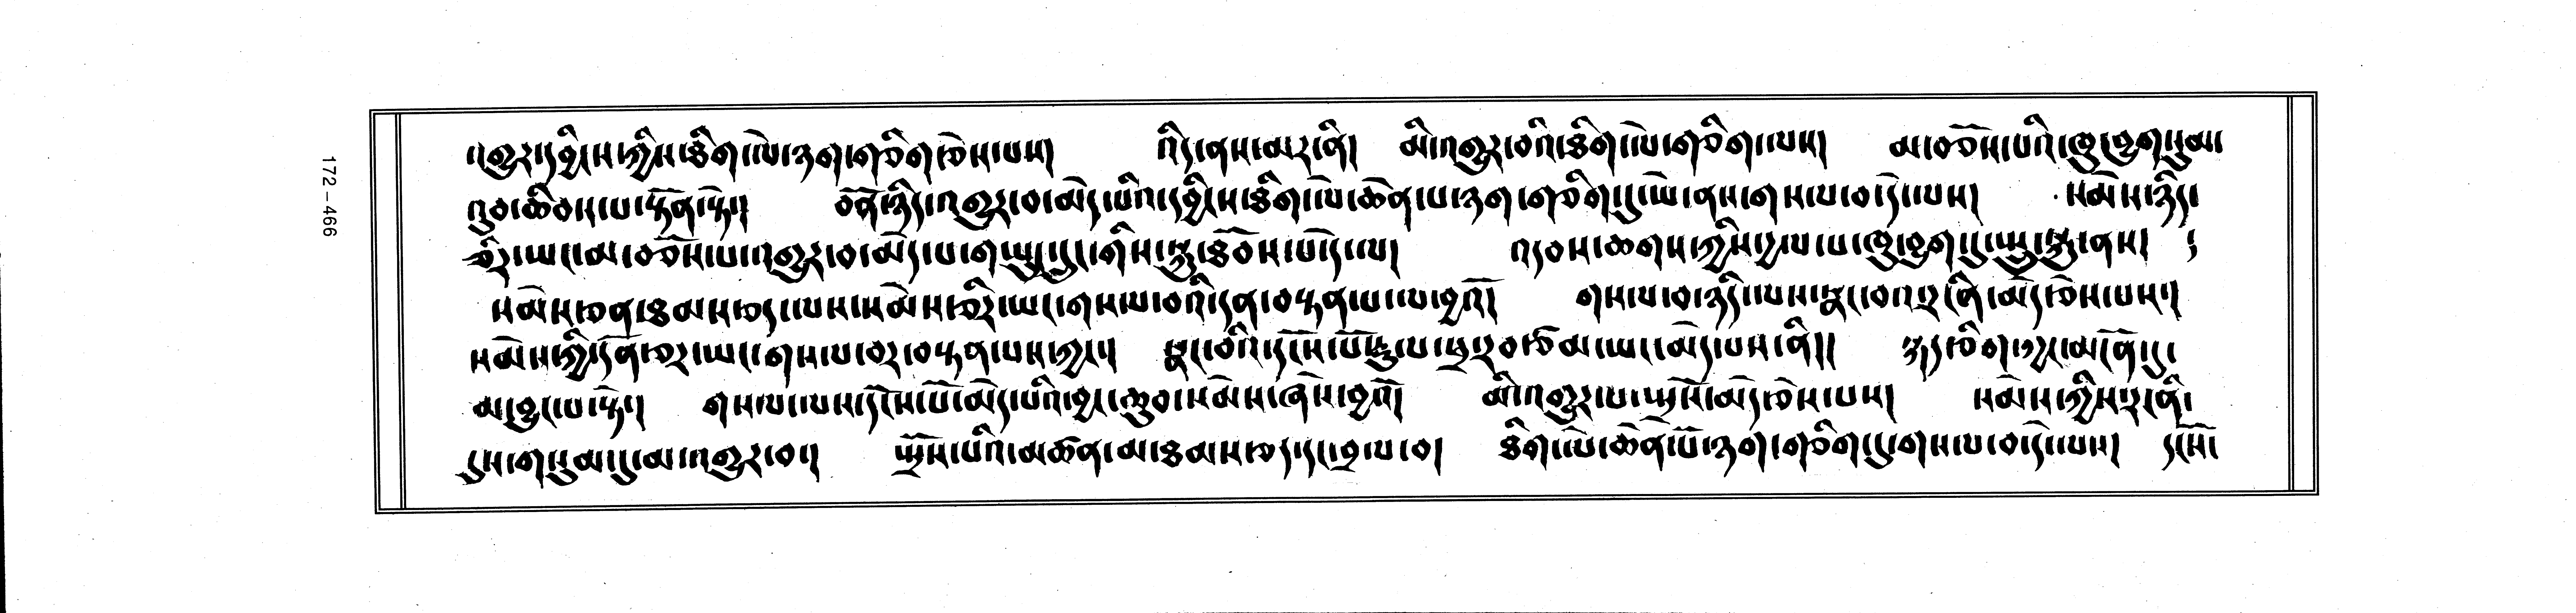འགྱུར་དབྱིངས་ཀྱིས་ཐིག་ལེ་ཉག་གཅིག་ཅེས་པས། འདི་ནས་མར་ནི། མི་འགྱུར་བའི་ཐིག་ལེ་གཅིག་ལས། མ་བཅོས་པའི་ཁུ་བྱུག་གསུམ་
འུབ་ཆིབས་པ་སྟོན་སྟེ། བོན་ཉིད་འགྱུར་བ་མེད་པའི་དབྱིངས་ཐིག་ལེ་ཆེན་པོ་ཉག་གཅིག་དུ་ཡེ་ནས་གསལ་བ་དེ་ལས། སེམས་ཉིད་
ཅིར་ཡང་མ་བཅོས་པ་འགྱུར་བ་མེད་པ་གཡུང་དྲུང་གིས་སྐུ་ཐོབས་པ་དེ་ལ། འདབས་ཆགས་ཀྱིས་རྒྱལ་པོ་ཁུ་བྱུག་དུ་སྐུ་སྤྲུལ་ནས། 
སེམས་ཅན་ཐམས་ཅད་ལས་སེམས་ཅིར་ཡང་གསལ་བའི་དོན་བསྟན་པ་ལ་བྱའོ། གསལ་བ་ཉིད་ལས་སྣང་བའི་རང་བཞིན་མེད་ཅེས་པས། 
སེམས་ཀྱི་དོན་ཅིར་ཡང་གསལ་བར་བསྟན་པས་ཀྱང་། སྣང་བའི་དངོས་པོ་རྡུལ་ཕྲ་རབ་ཙམ་ཡང་མེད་པས་ནི། སྐད་ཅིག་ཀྱང་མངོན་དུ་
མ་བྱུང་པ་སྟེ། གསལ་ལས་དངོས་པོ་མེད་པའི་བྱང་ཆུབ་སེམས་ཞེས་བྱའོ། མི་འགྱུར་པ་སྤྲོས་མེད་ཅེས་པས། སེམས་ཀྱིས་རང་བཞིན་
དུས་གསུམ་དུ་མ་འགྱུར་བ། སྤྲོས་པའི་མཚན་མ་ཐམས་ཅད་དང་བྲལ་བ། ཐིག་ལེ་ཆེན་པོ་ཉག་གཅིག་དུ་གསལ་བ་དེ་ལས། དངོས་